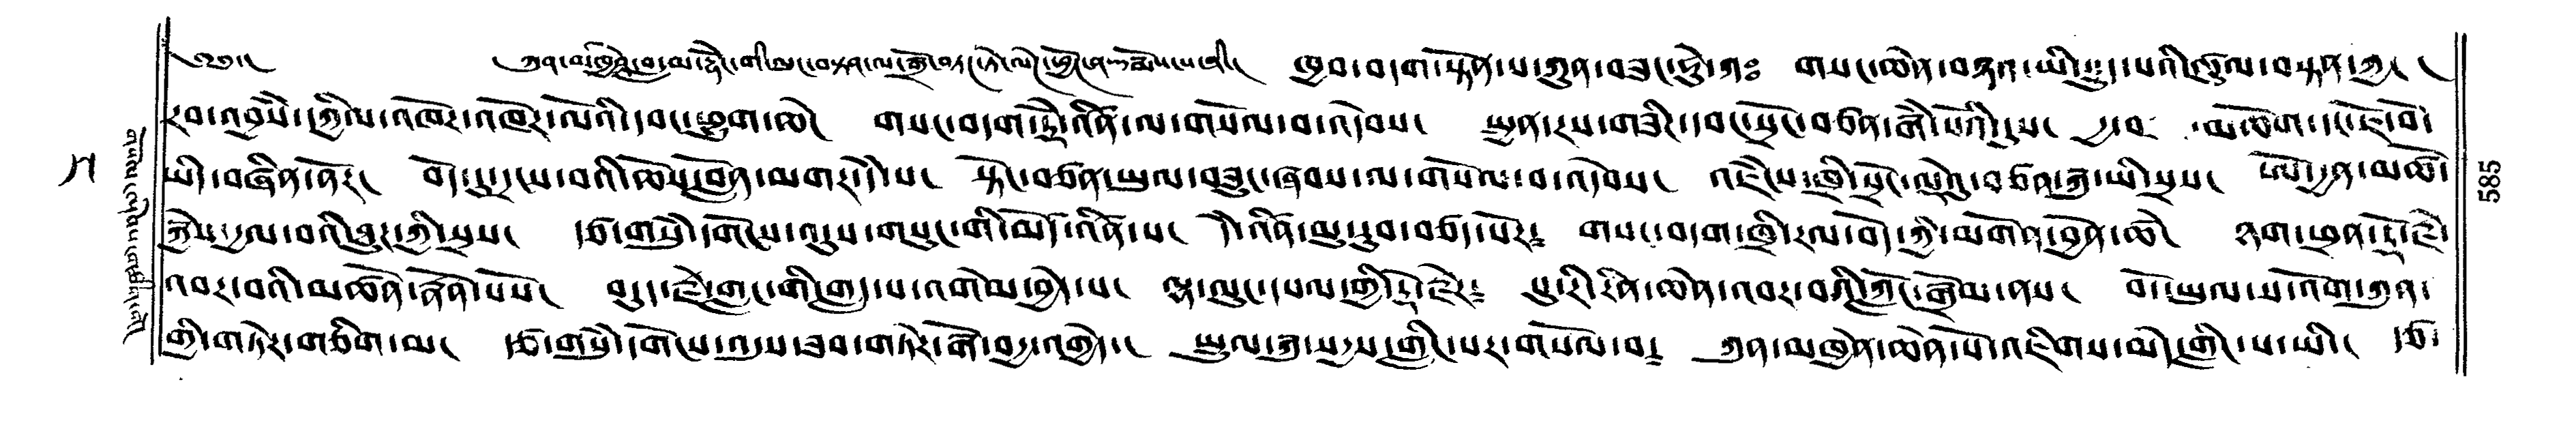ཀུན་མཁྱེན་བླ་མ་རྡོ་རྗེ་འཆང་གི་ལུང་བསྟན་ལ་སྒྲོ་བཏགས་ཏེ་ལེགས་ཕྱོགས་ནས་སྨོས་པ་ནི། ཁྱབ་བདག་སྟོན་པ་ཀུན་བཟང་ཧེ་རུ་ཀཿ གསང་ཆེན་བསྟན་པའྀ་སྡུད་པོའི་ཚུལ་བསྟན་ཀྱང་། །
རབ་འབྱམས་དཀྱིལ་འཁོར་འཁོར་ལོའི་དབང་ཕྱུག་ཆེ། །གསང་བདག་རྡོ་རྗེ་འཛིན་ལ་གསོལ་བ་འདེབས། །སྤྱན་རས་གཟིགས་དབང་སྲོང་བཙན་སྒམ་པོའི་དུས། །རྒྱལ་བ་མཆོག་དང་ཇོ་བོ་
ཡིད་བཞིན་ནོར། །བོད་དུ་དྲངས་བའི་ཆོས་བློན་མགར་དམ་པ། །སྟོང་བཙན་ཡུལ་བཟུང་ཞབས་ལ་གསོལ་བ་འདེབས། །འཇམ་དབྱངས་ཁྲི་སྲོང་ལྡེའུ་བཙན་སྐུ་ཡི་སྲས། །ཨོ་རྒྱན་མཚོ་
སྐྱེས་རྒྱལ་བའི་ཐུགས་ཀྱི་སྲས། །རྩ་གསུམ་དགོངས་འདུས་གསུང་གི་མཛོད་འཛིན་པ། །དམ་འཛིན་མུ་རུབ་བཙད་པོར༴ གསང་བདག་ཁྲི་རལ་བོད་ཀྱི་མགོན་བྱོན་ཚེ། །ཉག་ཕྲན་རྡོ་རྗེ་
འབར་བའི་མཚོན་རྣོན་པོས། །བདུད་རྗེ་གླང་གི་ཀླད་པ་འགེམ་བྱེད་པ། །ལྷ་ལུང་དཔལ་གྱི་རྡོ་རྗེར༴ པུ་རི་རིན་ཆེན་འབར་བའི་ཀློང་སྒྲོམ་ནས། །བོད་ཡུལ་ས་འོག་ཀུན་
གྱི་གཏེར་གཅིག་མ། རྩ་གསུམ་དགོངས་འདུས་ཟབ་གཏེར་སྒོ་བརྒྱ་འབྱེད། །སྤྲུལ་སྐུ་སངས་རྒྱས་གླིང་པར་གསོལ་བ༴ ཀུན་མཁྱེན་ཆེན་པོ་འཇིགས་མེད་གླིང་པ་ཡི། །རྩ་